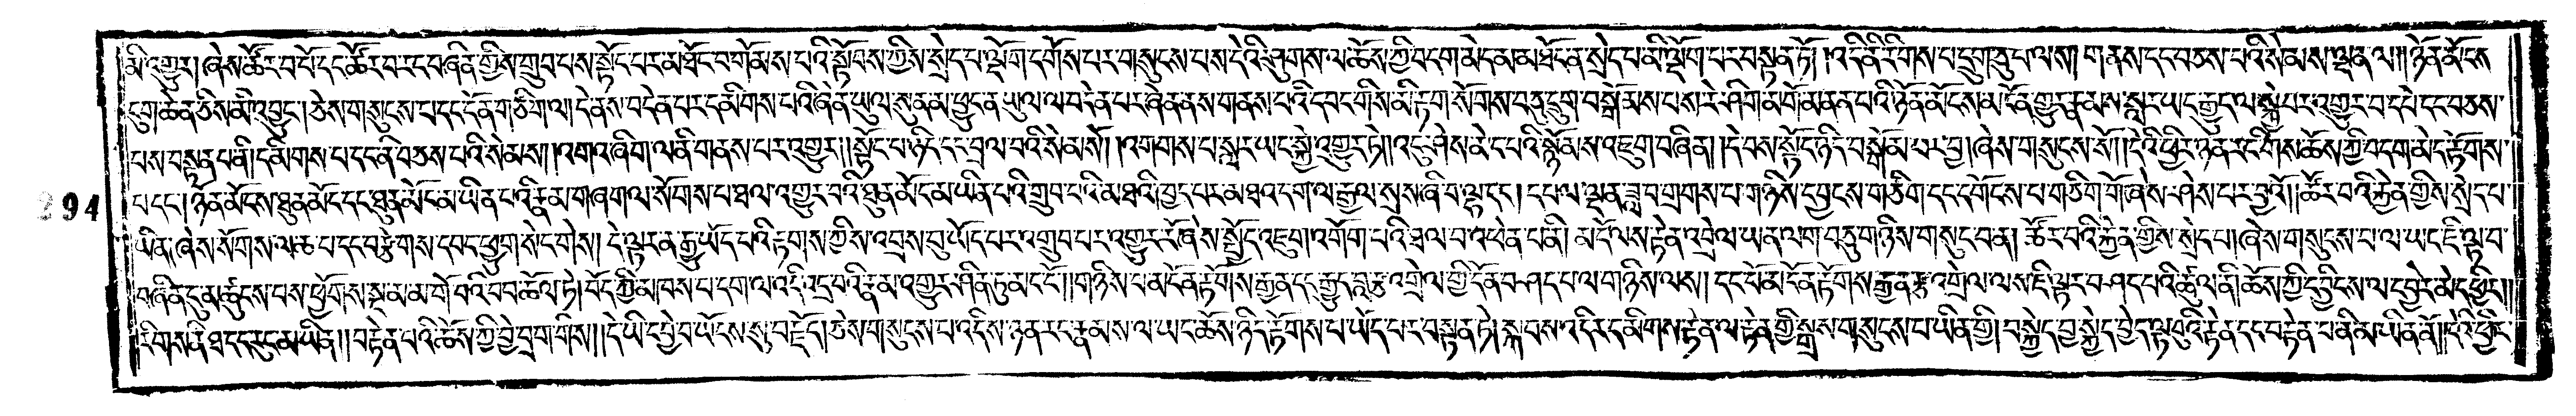མི་འགྱུར། ཞེས་ཚོར་བ་པོ་དང་ཚོར་བ་རང་བཞིན་གྱིས་གྲུབ་པས་སྟོང་པར་མཐོང་བ་གོམས་པའི་སྟོབས་ཀྱིས་སྲེད་པ་ལྡོག་དགོས་པར་གསུངས་པས་དེའི་ཤུགས་ལ་ཆོས་ཀྱི་བདག་མེད་མ་མཐོང་ན་སྲེད་པ་མི་ལྡོག་བར་བསྟན་ཏོ། །འདི་ནི་རིགས་པ་དྲུག་ཅུ་པ་ལས། གནས་དང་བཅས་པའི་སེམས་ལྡན་ལ། །ཉོན་མོངས་
དུག་ཆེན་ཅིས་མི་འབྱུང་། ཅེས་གསུངས་པ་དང་དོན་གཅིག་ལ། དེ་ནས་བདེན་པར་དམིགས་པའི་ཞེན་ཡུལ་སུན་མ་ཕྱུང་ན་ཡུལ་ལ་བདེན་པར་ཞེན་ནས་གནས་པའི་དབང་གིས་མི་རྟག་སོགས་བཅུ་དྲུག་བསྒོམས་པས་རེ་ཤིག་མགོ་མནན་པའི་ཉོན་མོངས་མངོན་གྱུར་རྣམས་སླར་ཡང་རྒྱུད་ལ་སྐྱེ་བར་འགྱུར་བ་དཔེ་དང་བཅས་
པས་བསྟན་པ་ནི། དམིགས་པ་དང་ནི་བཅས་པའི་སེམས། །འགའ་ཞིག་ལ་ནི་གནས་པར་འགྱུར། །སྟོང་པ་ཉིད་དང་བྲལ་བའི་སེམས་སོ། །འགགས་པ་སླར་ཡང་སྐྱེ་འགྱུར་ཏེ། །འདུ་ཤེས་མེད་པའི་སྙོམས་འཇུག་བཞིན། །དེ་བས་སྟོང་ཉིད་བསྒོམ་པར་བྱ། ཞེས་གསུངས་སོ། །དེའི་ཕྱིར་ཉན་རང་གིས་ཆོས་ཀྱི་བདག་མེད་རྟོགས་
པ་དང་། ཉན་མོངས་ཐུན་མོང་དང་ཐུན་མོང་མ་ཡིན་པའི་རྣམ་གཞག་ལ་སོགས་པ་ཐལ་འགྱུར་བའི་ཐུན་མོང་མ་ཡིན་པའི་གྲུབ་པའི་མཐའི་ཁྱད་པར་མཐའ་དག་ལ་རྒྱལ་སྲས་ཞི་བ་ལྷ་དང་། དཔལ་ལྡན་ཟླ་བ་གྲགས་པ་གཉིས་དབྱངས་གཅིག་དང་དགོངས་པ་གཅིག་གོ་ཞེས་ཤེས་པར་བྱའོ། །ཚོར་བའི་རྐྱེན་གྱིས་སྲེད་པ་
ཡིན༑ ཞེས་སོགས་ལ་ཆ་པ་དང་བརྩེགས་དབང་ཕྱུག་སེང་གེས། དེ་ལྟར་ན་རྒྱུ་ཡོད་པའི་རྟགས་ཀྱིས་འབྲས་བུ་ཡོད་པར་འགྲུབ་པར་འགྱུར་རོ་ཞེས་སྤྱོད་འཇུག་འགོག་པའི་ཐལ་བ་འཕེན་པ་ནི། མདོ་ལས་རྟེན་འབྲེལ་ཡན་ལག་བཅུ་གཉིས་གསུང་བ་ན། ཚོར་བའི་རྐྱེན་གྱིས་སྲེད་པ། ཞེས་གསུངས་པ་ལ་ཡང་ཇི་ལྟ་བ་
བཞིན་དུ་མཚུངས་པས་ཕྱོགས་སྔ་མ་མགོ་བའི་བབ་ཆོལ་ཏེ། བོད་ཀྱི་མཁས་པ་དག་ལ་འདི་འདྲ་བའི་རྣམ་འགྱུར་ཤིན་ཏུ་མང་ངོ། །གཉིས་པ་མངོན་རྟོགས་རྒྱན་དང་རྒྱུད་བླ་རྩ་འགྲེལ་གྱི་དོན་བཤད་པ་ལ་གཉིས་ལས། དང་པོ་མངོན་རྟོགས་རྒྱན་རྩ་འགྲེལ་ལས་ཇི་ལྟར་བཤད་པའི་ཚུལ་ནི། ཆོས་ཀྱི་དབྱིངས་ལ་དབྱེར་མེད་ཕྱིར།།
རིགས་ནི་ཐ་དད་རུང་མ་ཡིན། །བརྟེན་བའི་ཆོས་ཀྱི་བྱེ་བྲག་གིས། །དེ་ཡི་དབྱེ་བ་ཡོངས་སུ་བརྗོད། ཅེས་གསུངས་པ་འདིས་ཉན་རང་རྣམས་ལ་ཡང་ཆོས་ཉིད་རྟོགས་པ་ཡོད་པར་བསྟན་ཏེ། སྐབས་འདིར་དམིགས་རྟེན་ལ་རྟེན་གྱི་སྒྲས་གསུངས་པ་ཡིན་གྱི། བསྐྱེད་བྱ་སྐྱེད་བྱེད་ལྟ་བུའི་རྟེན་དང་བརྟེན་པ་ནི་མ་ཡིན་ནོ། །དེའི་ཕྱིར་